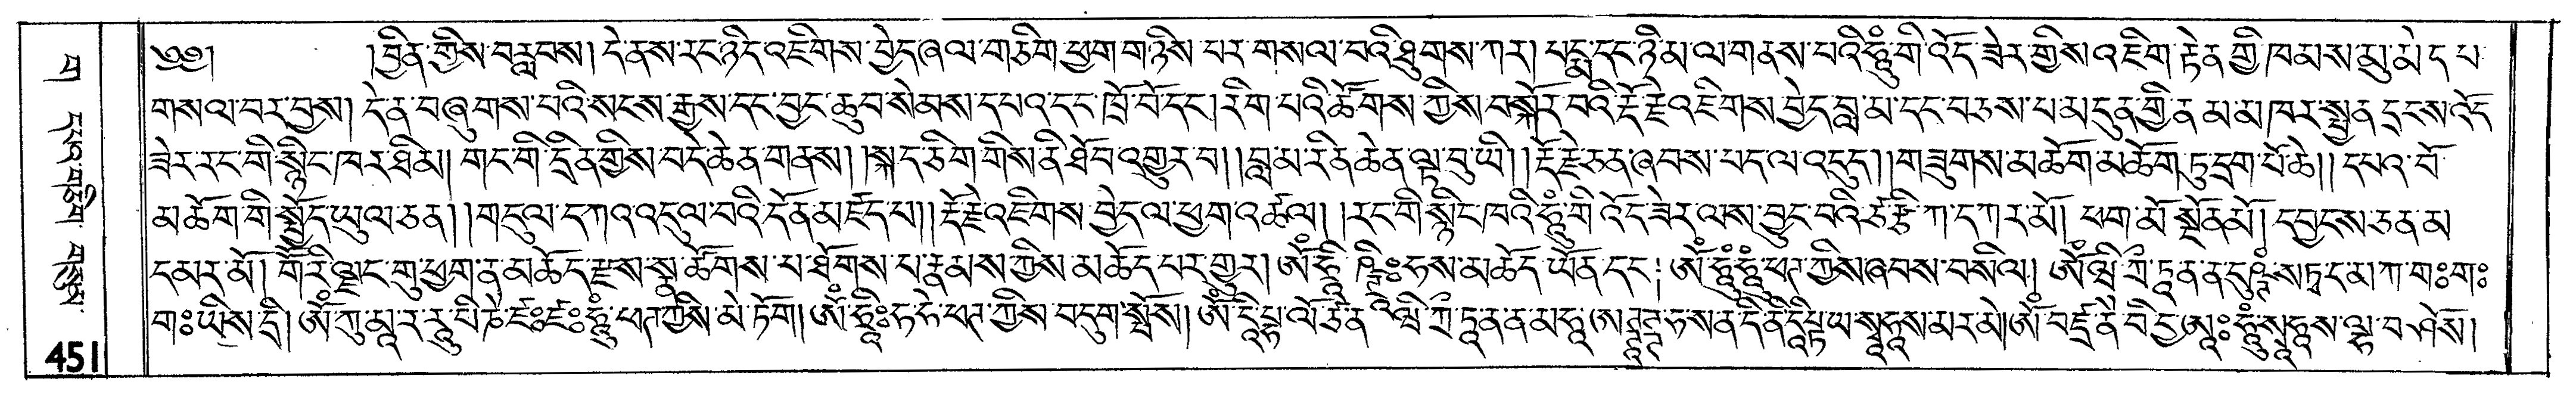༄༅། །བྱིན་གྱིས་བརླབས། དེ་ནས་རང་ཉིད་འཇིགས་བྱེད་ཞལ་གཅིག་ཕྱག་གཉིས་པར་གསལ་བའི་ཐུགས་ཀར། པདམ་དང་ཉི་མ་ལ་གནས་པའི་ཧཱུཾ་གི་འོད་ཟེར་གྱིས་འཇིག་རྟེན་གྱི་ཁམས་མུ་མེད་པ་
གསལ་བར་བྱས། དེ་ན་བཞུགས་པའི་སངས་རྒྱས་དང་བྱང་ཆུབ་སེམས་དཔའ་དང་ཁྲོ་བོ་དང་། རིག་པའི་ཚོགས་ཀྱིས་བསྐོར་བའི་རྡོ་རྗེ་འཇིགས་བྱེད་བླ་མ་དང་བཅས་པ་མདུན་གྱི་ནམ་མཁར་སྤྱན་དྲངས་འོད་
ཟེར་རང་གི་སྙིང་ཁར་ཐིམ། གང་གི་དྲིན་གྱིས་བདེ་ཆེན་གནས། །སྐད་ཅིག་གིས་ནི་ཐོབ་འགྱུར་བ། །བླ་མ་རིན་ཆེན་ལྟ་བུ་ཡི། །རྡོ་རྗེ་ཅན་ཞབས་པད་ལ་འདུད། །གཟུགས་མཆོག་མཆོག་ཏུ་དྲག་པོ་ཆེ། །དཔའ་བོ་
མཆོག་གི་སྤྱོད་ཡུལ་ཅན། །གདུལ་དཀའ་འདུལ་བའི་དོན་མཛད་པ། །རྡོ་རྗེ་འཇིགས་བྱེད་ལ་ཕྱག་འཚལ། །རང་གི་སྙིང་ཁའི་ཧཱུཾ་གི་འོད་ཟེར་ལས་བྱུང་བའི་ཙ་རྩི་ཀ་དཀར་མོ། ཕག་མོ་སྔོན་མོ། དབྱངས་ཅན་མ་
དམར་མོ། གོ་རི་ལྗང་གུ་ཕྱག་ན་མཆོད་རྫས་སྣ་ཚོགས་པ་ཐོགས་པ་རྣམས་ཀྱིས་མཆོད་པར་གྱུར། ཨོཾ་ཧྲཱི་ཥྚྲཱིཿ ཧས་མཆོད་ཡོན་དང་། ཨོཾ་ཧཱུཾ་ཧཱུཾ་ཕཊ་ཀྱིས་ཞབས་བསིལ། ཨོཾ་ཝི་ཀྲྀ་ཏཱ་ན་ན་དུཥྚཾ་སཏྭ་ད་མ་ཀ་གཿ གཿ
གཿ ཡིས་དྲི། ཨོཾ་ཀུ་མཱ་ར་རཱུ་པི་ཎེ་ཛཿ ཛཿ ཧཱུཾ་ཕཊ་ཀྱིས་མེ་ཏོག །ཨོཾ་ཧྲཱིཿ ཧ་ཧེ་ཕཊ་ཀྱིས་བདུག་སྤོས། ཨོཾ་དཱི་ཕ་ལོ་ཙ་ན་ཝི་ཀྲྀ་ཏཱ་ན་ན་མཧཱ་ཨཊྚཱཊྚ་ཧ་ས་ན་དི་ནི་དཱི་པྟ་ཡ་སྭཱཧཱས་མར་མེ། ཨོཾ་བཛྲ་ནཻ་བིདྱ་ཨཱཿ ཧཱུཾ་སྭཱཧཱས་ལྷ་བཤོས།